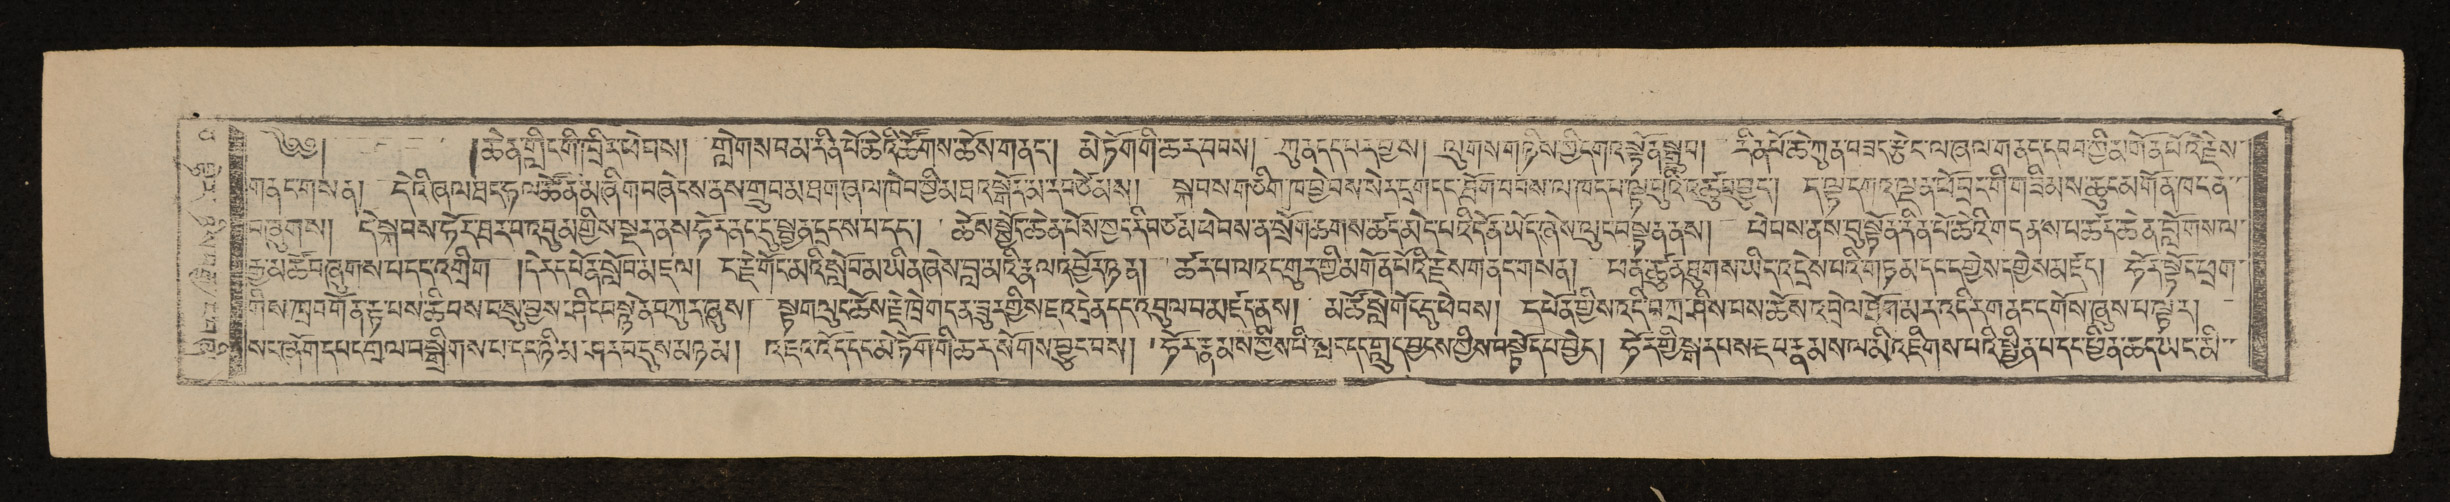༄༅། །ཆེན་གླིང་གི་ཁྲིར་ཕེབས། གླེགས་བམ་རིན་པོ་ཆེའི་ཚོགས་ཆོས་གནང་། མེ་ཏོག་གི་ཆར་བབས། ཀུན་དད་པར་བྱས། ལུགས་གཉིས་ཀྱི་དགའ་སྟོན་སྒྲུབ། རིན་པོ་ཆེ་ཀུན་བཟང་རྩེང་ལ་ཞལ་གནང་དང་བགྱི་མགོན་པོའི་རྗེས་
གནང་གསན། དེའི་ཞལ་ཐང་ཧལ་ཚོན་མ་ཞིག་བཞེངས་ནས་གྲུབ་།ཐག་ཞལ་ཁེབ་ཀྱི་མཐའ་སྒོར་མར་བཙེམས། སྐབས་གཅིག་ཁ་ཕྱེ་བས་སེར་དྲག་དང་ཐོག་བབས་ལ་ཁང་པ་ལྟ་བུའི་འཚུབ་བྱུང་། ད་ལྟ་དགའ་ལྡན་ཕོ་བྲང་གི་གཟིམས་ཆུང་མགོན་ཁང་ན་
བཞུགས། དེ་སྐབས་ཧོར་ཐར་པ་འབུམ་གྱིས་སྔར་ནས་ཧོར་རང་དུ་སྤྱན་དྲངས་པ་དང་། ཆོས་སྐྱོང་ཆེན་པོས་ཀྱང་རེ་བ་ཙམ་ཕེབས་ན་སྲོག་ཆགས་ཚད་མེད་པའི་དོན་ཡོད་ཞེས་ལུང་བསྟན་ནས། ཕེབས་ནས་བུ་སྟོན་རིན་པོ་ཆེའི་གདན་ས་པ་ཚར་ཆེན་བློ་གསལ་
རྒྱ་མཚོ་བཞུགས་པ་དང་འགྲིག །དེར་དཔོན་སློབ་མཇལ། ང་རྗེ་གོང་མའི་སློབ་མ་ཡིན་ཞེས་བླ་མའི་རྣལ་འབྱོར་ཉན། ཚར་བ་ལའང་གུར་གྱི་མགོན་པོའི་རྗེས་གནང་གསན། ཕན་ཚུན་ཐུགས་ཡིད་འདྲེས་པའི་གཏམ་དང་དགྱེས་དགྱེས་མཛད། ཧོར་སྟོང་ཕྲག་
གིས་ཁྲབ་གོན་རྟ་པས་ཆིབས་བསུ་བྱས་ཤིང་བསྙེན་བཀུར་ཞུས། སྟག་ལུང་ཆོས་རྗེ་ཁྲི་གདན་ཟུར་གྱིས་ཇ་འདྲེན་དང་འབུལ་བ་མཛད་ནས། མཚོ་སླེ་གོང་དུ་ཕེབས། དཔོན་གྱིས་འདི་བཀྲ་ཤིས་པས་ཆོས་འབྲེལ་ཐོག་མར་འདིར་གནང་དགོས་ཞུས་པ་ལྟར།
སང་ཞོག་དབང་གྲལ་བསྒྲིགས་པ་དང་ཉི་མ་ཤར་བ་དུས་མཉམ། འཇའ་འོད་དང་མེ་ཏོག་གི་ཆར་སོགས་བྱུང་བས། ཧོར་རྣམས་ཀྱིས་པི་ཝང་དང་གླུ་དབྱངས་ཀྱིས་བསྟོད་པ་བྱེད། ཧོར་གྱི་སྒར་པས་ཇ་པ་རྣམས་ལ་མི་འཇིགས་པའི་སྦྱིན་པ་དང་ཕྱིན་ཆད་ཡང་མི་